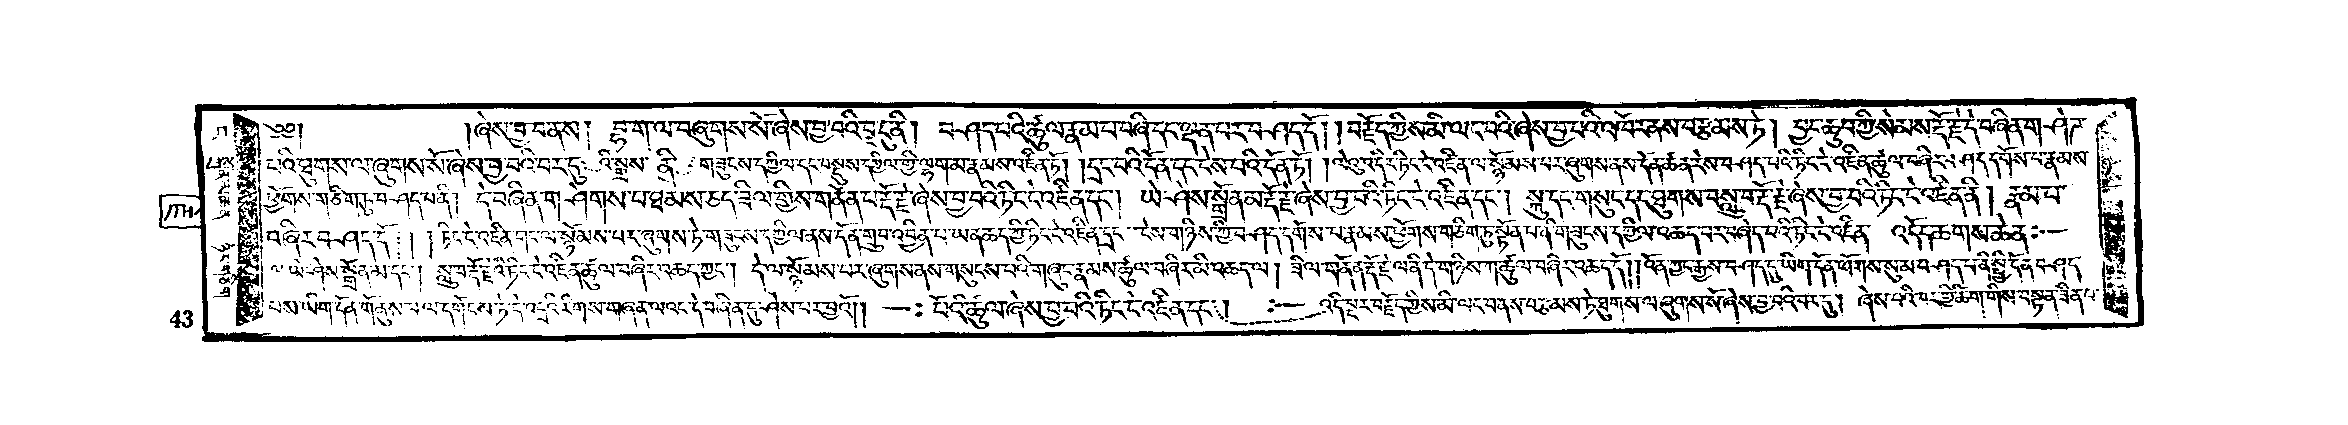༄༅། །ཞེས་བྱ་བ་ནས། བྷ་ག་ལ་བཞུགས་སོ་ཞེས་བྱ་བའི་བར་དུ་ནི། བཤད་པའི་ཚུལ་རྣམ་པ་བཞི་དང་ལྡན་པར་བཤད་དོ། །བརྗོད་ཀྱིས་མི་ལང་བའི་ཞེས་བྱ་བའི་འཁོར་ནས་བརྩམས་ཏེ། བྱང་ཆུབ་ཀྱི་སེམས་རྡོ་རྗེ་དེ་བཞིན་གཤེགས་
པའི་ཐུགས་ལ་ཞུགས་སོ་ཞེས་བྱ་བའི་བར་དུའི་སྒྲས་ནི་གཟུངས་དཀྱིལ་དང་བསྡུས་དཀྱིལ་གྱི་ལྷག་མ་རྣམས་འཛིན་ཏོ།  །དྲང་བའི་དོན་དང་ངེས་པའི་དོན་ཏོ། །ལེའུ་འདིར་ཏིང་ངེ་འཛིན་ལ་སྙོམས་པར་ཞུགས་ནས་དོན་ཚན་?་རེས་བཤད་པའི་ཏིང་ངེ་འཛིན་ཚུལ་བཞིར་བཤད་དགོས་པ་རྣམས་
ཕྱོགས་གཅིག་ཏུ་བཤད་པ་ནི། དེ་བཞིན་གཤེགས་པ་ཐམས་ཅད་ཟིལ་གྱིས་གནོན་པ་རྡོ་རྗེ་ཞེས་བྱ་བའི་ཏིང་ངེ་འཛིན་དང་། ཡེ་ཤེས་སྒྲོན་མ་རྡོ་རྗེ་ཞེས་བྱ་བའི་ཏིང་ངེ་འཛིན་དང་། སྐུ་དང་གསུང་དང་ཐུགས་བསླུ་བ་རྡོ་རྗེ་ཞེས་བྱ་བའི་ཏིང་ངེ་འཛིན་ནི། རྣམ་པ་
བཞིར་བཤད་དོ། ། ཏིང་ངེ་འཛིན་གང་ལ་སྙོམས་པར་ཞུགས་ཏེ་གཟུངས་དཀྱིལ་ནས་དོན་གྲུབ་འབྱིན་པ་ཡན་ཆད་ཀྱི་ཏིང་ངེ་འཛིན་དྲང་ངེས་གཉིས་ཀྱི་བཤད་དགོས་པ་རྣམས་ཕྱོགས་གཅིག་ཏུ་སྟོན་པ་ནི་གཟུངས་དཀྱིལ་འཆད་པར་བཞེད་པའི་ཏིང་ངེ་འཛིན་འདོད་ཆགས་ཆེནཿ
༧ཡེ་ཤེས་སྒྲོན་མ་དང་། སླུ་བ་རྡོ་རྗེའི་ཏིང་ངེ་འཛིན་ཚུལ་བཞིར་འཆད་ཀྱང་། དེ་ལ་སྙོམས་པར་ཞུགས་ནས་གསུངས་པའི་གཞུང་རྣམས་ཚུལ་བཞིར་མི་འཆད་ལ། ཟིལ་གནོན་རྡོ་རྗེ་ལ་ནི་དེ་གཉིས་ཀ་ཚུལ་བཞིར་འཆད་དོ། །འོན་ཀྱང་རྒྱས་བཤད་དུ་ཡིག་དོན་ལེགས་སུ་མ་བཤད་པ་ནི་སྤྱི་དོན་བཤད་
པས་ཡིག་དོན་གོ་ནུས་པ་ལ་དགོངས་ཏེ་དེ་འདྲའི་རིགས་གཞན་ལའང་དེ་བཞིན་དུ་ཤེས་པར་བྱའོ།། .Hཔོའི་ཚུལ་ཞེས་བྱ་བའི་ཏིང་ངེ་འཛིན་དང་།H.་འདི་སྔར་བརྗོད་ཀྱིས་མི་ལང་བ་ནས་བརྩམས་ཏེ་ཐུགས་ལ་ཞུགས་སོ་ཞེས་བྱ་བའི་བར་དུ། ཞེས་པའི་བར་གྱི་ཚིག་གིས་བསྟན་ཟིན་པ་